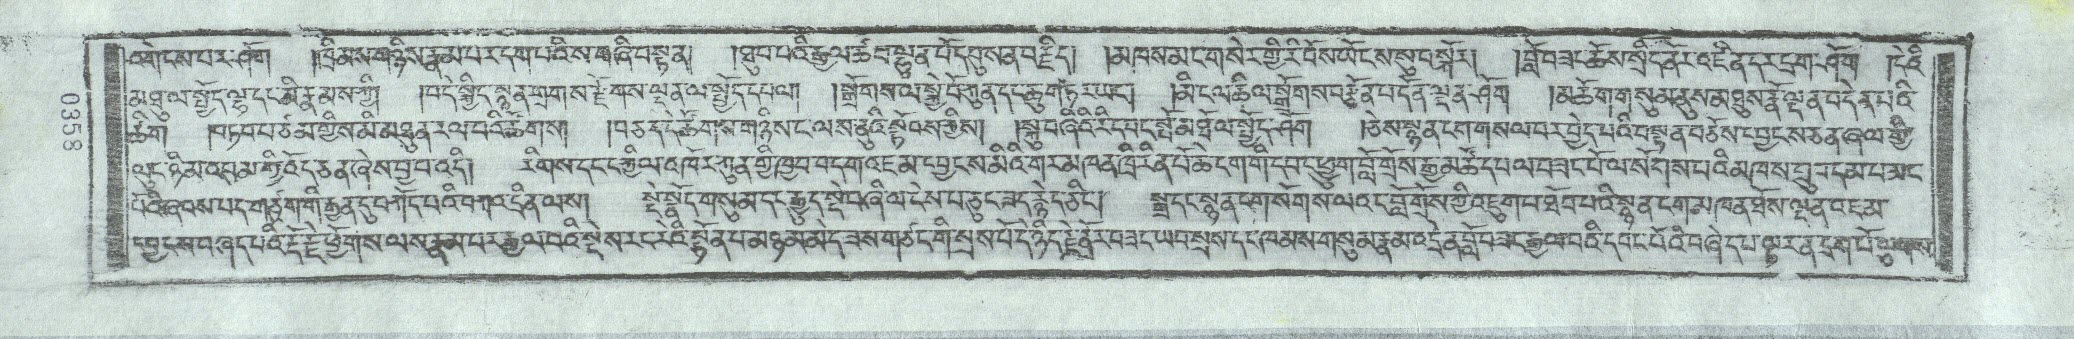འགེངས་པར་ཤོག། །ཁྲིམས་གཉིས་རྣམ་པར་དག་པའི་ས་གཞི་བསྟན། །ཐུབ་པའི་རྒྱལ་ཚབ་ལྷུན་པོ་དབུས་ན་བརྗིད། །མཁས་མང་གསེར་རི་བོས་ཡོངས་སུ་བསྐོར། །བློ་བཟང་ཆོས་སྲིད་ནོར་འཛིན་དར་དྲག་ཤོག །དེའི་
མཐུལ་སྤྱོད་ལྷ་དང་མི་རྣམས་ཀྱི། །བདེ་སྐྱིད་སྙན་གྲགས་རྫོགས་ལྡན་ལ་སྤྱོད་དཔལ། །སྒྲོགས་ལ་སྐྱེ་བོ་ཀུན་དང་ཆུ་གཏེར་ཡང་། །མིང་ལ་ཆིལ་སྒྲོགས་བརྩོན་པ་དོན་ལྡན་ཤོག །མཆོག་གསུམ་ནུས་མཐུས་རྣོ་ལྡན་བདེན་པའི་
ཚིག །བཏབ་པ་ཙམ་གྱིས་མི་མཐུན་རལ་བའི་ཚོགས། །བཅད་དེ་ཚོགས་གཉིས་ང་ལ་ནུའི་སྟོབས་ཀྱི། །སྐུ་བཞིའི་རི་དབང་སྤོ་མཐོ་ལ་སྤྱོད་ཤོག །ཅེས་སྙན་ངག་གསལ་བར་བྱེད་པའི་བསྟན་བཅོས་དབྱངས་ཅན་ཞལ་གྱི་
ལུང་ཉི་མ་འབུམ་གྱི་འོད་ཅན་ཞེས་བྱ་བ་འདི། རིགས་དང་དཀྱིལ་འཁོར་ཀུན་གྱི་ཁྱབ་བདག་འཇམ་དབྱངས་མིའི་གར་མཁན་ཁྲི་རིན་པོ་ཆེ་དག་གི་དབང་ཕྱུག་བློ་གྲོས་རྒྱ་མཚོ་དཔལ་བཟང་པོ་ལ་སོགས་པའི་མཁས་གྲུབ་དམ་པ་མང་
པོའི་ཞབས་པད་གཙུག་གི་རྒྱན་དུ་བཀོད་པའི་བཀའ་དྲིན་ལས། །སྡེ་སྣོད་གསུམ་དང་རྒྱུ་སྡེ་བཞི་ལ་ངེས་པ་ཅུང་ཟད་རྙེད་ཅིང་། །སྒྲ་དང་སྙན་ངག་སོགས་ལའང་བློ་གྲོས་ཀྱི་འཇུག་པ་ཐོབ་པའི་སྙན་ངག་མཁན་ཐོས་ལྡན་འཇམ་
དབྱངས་བཞད་པའི་རྡོ་རྗེ་ཕྱོགས་ལས་རྣམ་པར་རྒྱལ་བའི་སྡེས་རང་རེའི་སྟོན་པ་མཉམ་མེད་ཟག་གཙང་གི་སྲས་པོ་དེ་ཉིད་རྗེ་ནོར་བཟང་ཡབ་སུས་དང་ཁམས་གསུམ་རྣམ་འདྲེན་བློ་བཟང་རྒྱལ་བའི་དབང་པོའི་བཞེད་པ་ལྟར་ན་དྲག་པོ་ལྕགས་